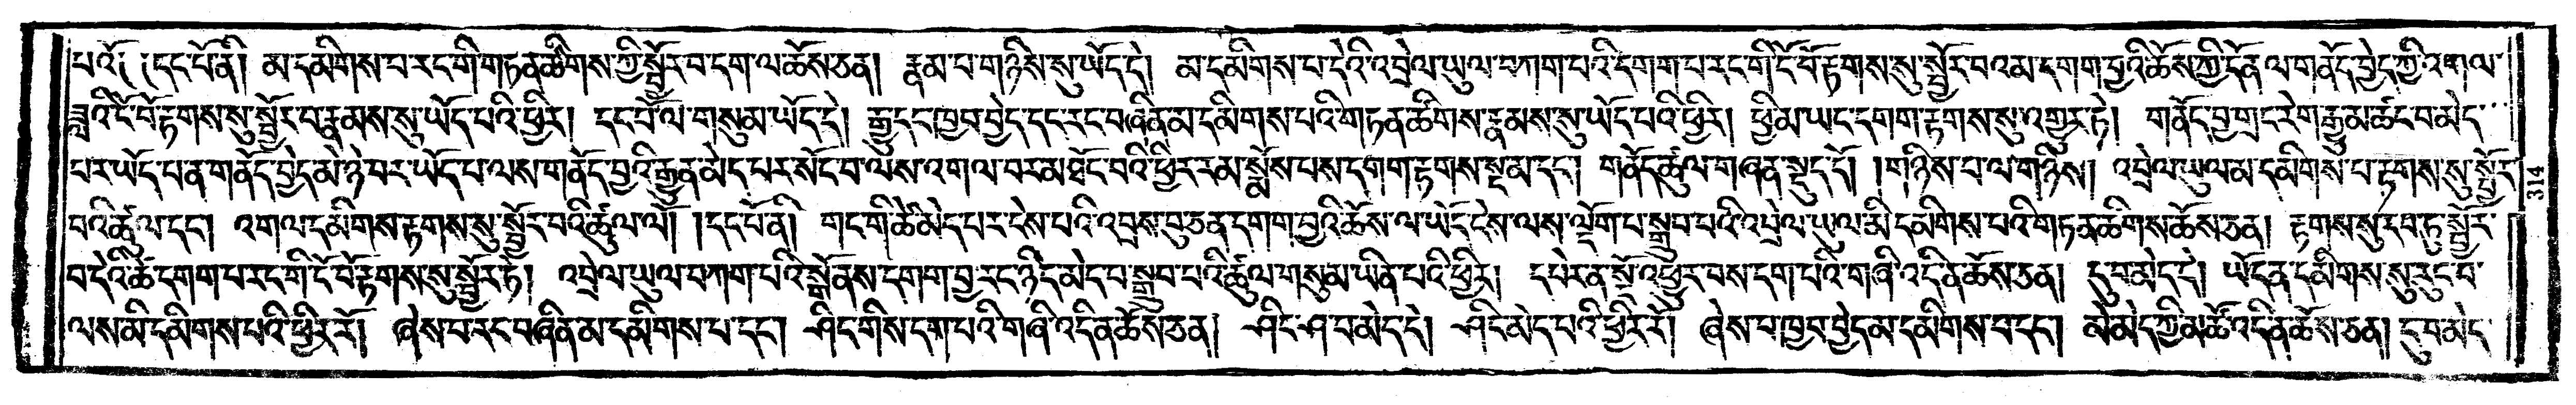པའོ༑ ༑དང་པོ་ནི། མ་དམིགས་པ་རང་གི་གཏན་ཚིགས་ཀྱི་སྦྱོར་བ་དག་ལ་ཆོས་ཅན། རྣམ་པ་གཉིས་སུ་ཡོད་དེ། མ་དམིགས་པ་དེའི་འབྲེལ་ཡུལ་བཀག་པའི་དགག་པ་རང་གི་ངོ་བོ་རྟགས་སུ་སྦྱོར་བའམ་དགག་བྱའི་ཆོས་ཀྱི་དོན་ལ་གནོད་བྱེད་ཀྱི་འགལ་
ཟླའི་ངོ་བོ་རྟགས་སུ་སྦྱོར་བ་རྣམས་སུ་ཡོད་པའི་ཕྱིར། དང་པོ་ལ་གསུམ་ཡོད་དེ། རྒྱུ་དང་ཁྱབ་བྱེད་དང་རང་བཞིན་མ་དམིགས་པའི་གཏན་ཚིགས་རྣམས་སུ་ཡོད་པའི་ཕྱིར། ཕྱི་མ་ཡང་དགག་རྟགས་སུ་འགྱུར་ཏེ། གནོད་བྱ་གྲང་རེག་རྒྱུ་མ་ཚང་བ་མེད་
པར་ཡོད་པ་ན་གནོད་བྱེད་མེ་ཉེ་བར་ཡོད་པ་ལས་གནོད་བྱའི་རྒྱུན་མེད་པར་སོང་བ་ལས་འགལ་བར་མཐོང་བའི་ཕྱིར་རམ་སྨོས་པས་དགག་རྟགས་སྔ་མ་དང་། གནོད་ཚུལ་གཞན་སྡུད་དོ། །གཉིས་པ་ལ་གཉིས། འབྲེལ་ཡུལ་མ་དམིགས་པ་རྟགས་སུ་སྤྱོར་
བའི་ཚུལ་དང་། འགལ་དམིགས་རྟགས་སུ་སྦྱོར་བའི་ཚུལ་ལོ། །དང་པོ་ནི། གང་གི་ཚེ་མེད་པར་ངེས་པའི་འབྲས་བུ་ཅན་དགག་བྱའི་ཆོས་ལ་ཡོད་ངེས་ལས་ལྡོག་པ་སྒྲུབ་པའི་འབྲེལ་ཡུལ་མི་དམིགས་པའི་གཏན་ཚིགས་ཆོས་ཅན། རྟགས་སུ་རབ་ཏུ་སྦྱོར་
བ་དེའི་ཚེ་དགག་པ་རང་གི་ངོ་བོ་རྟགས་སུ་སྦྱོར་ཏེ། འབྲེལ་ཡུལ་བཀག་པའི་སྒོ་ནས་དགག་བྱ་རང་ཉིད་མེད་པ་སྒྲུབ་པའི་ཚུལ་གསུམ་ཡིན་པའི་ཕྱིར། དཔེར་ན་སྔོ་འཕྱུར་བས་དག་པའི་གཞི་འདི་ན་ཆོས་ཅན། དུ་བ་མེད་དེ། ཡོད་ན་དམིགས་སུ་རུང་བ་
ལས་མི་དམིགས་པའི་ཕྱིར་རོ། ཞེས་པ་རང་བཞིན་མ་དམིགས་པ་དང་། ཤིང་གིས་དག་པའི་གཞི་འདི་ན་ཆོས་ཅན། ཤིང་ཤ་བ་མེད་དེ། ཤིང་མེད་པའི་ཕྱིར་རོ། ཞེས་པ་ཁྱབ་བྱེད་མ་དམིགས་པ་དང་། མེ་མེད་ཀྱི་མཚོ་འདི་ན་ཆོས་ཅན། དུ་བ་མེད་